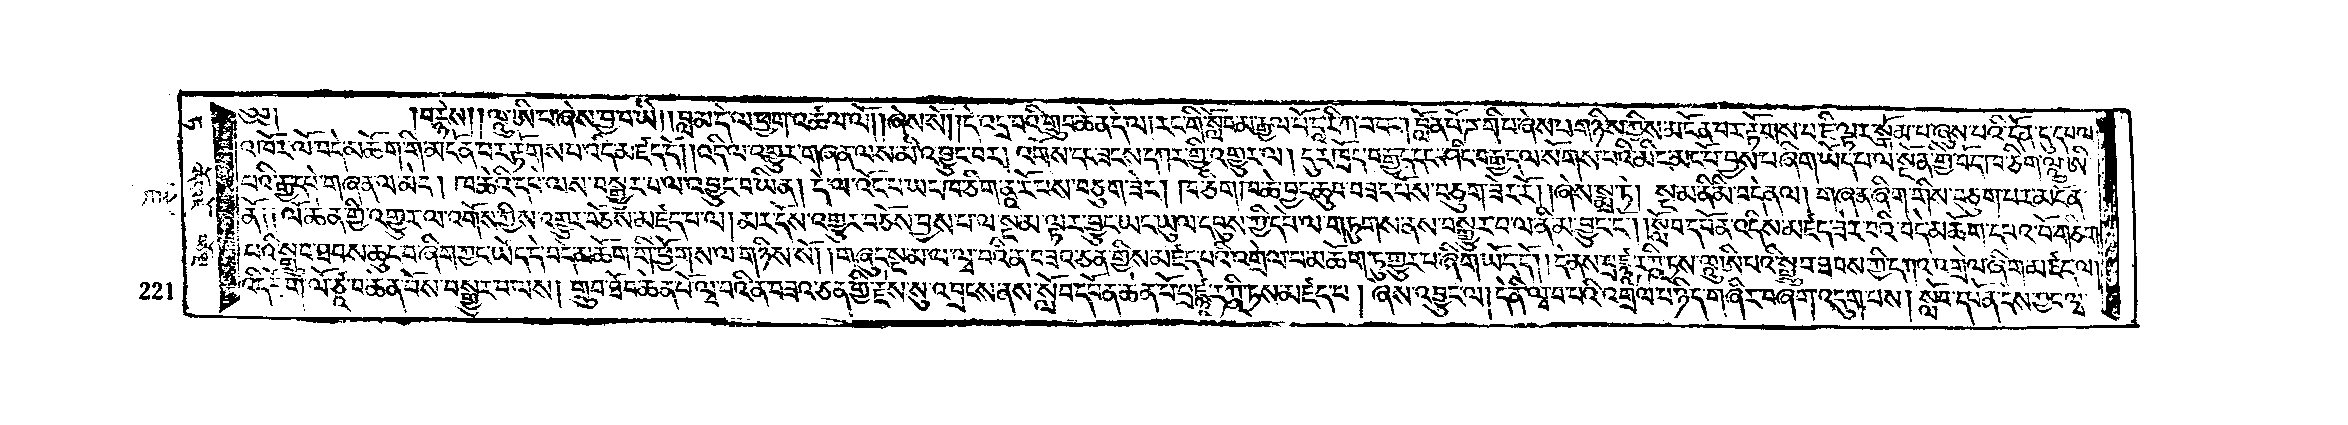༄༅། །བརྙེས། །ལཱུ་ཨུ་པ་ཞེས་བྱ་བ་ཡི། །བླ་མ་དེ་ལ་ཕྱག་འཚལ་ལོ། །ཞེས་སོ། །དེ་འདྲ་བའི་གྲུབ་ཆེན་དེ་ལ། རང་གི་སློབ་མ་རྒྱལ་པོ་དཱ་རི་ཀ་པ་དང་། བློན་པོ་ཌྀ་གི་པ་ཞེས་པ་གཉིས་ཀྱི་མངོན་པར་རྟོགས་པ་ཇི་ལྟར་སྒོམ་པ་ཞུགས་པའི་དོན་དུ་དཔལ་
འཁོར་ལོ་བདེ་མཆོག་གི་མངོན་པར་རྟོགས་པ་འདི་མཛད་དོ། །དཱི་ལ་འགྱུར་གཞན་ལས་མི་འབྱུང་བར། འགེས་དང་ཟངས་དཀར་གྱི་འགྱུར་ལ། དུར་ཁྲོད་བརྒྱད་དང་ཤིང་བརྒྱད་ལ་སོགས་པའི་མིང་མང་པོ་བྱས་པ་ཞིག་ཡོད་པ་ལ་སྔོན་གྱི་བོད་ཁ་ཅིག་ལཱུ་ཨི་
པའི་རྒྱ་དཔེ་གཞན་ལ་མེད། ཁ་ཆེའི་དཔེ་ལས་བསྒྱུར་པ་ལ་འབྱུང་བ་ཡིན། དེ་ལ་འོང་པ་ཡང་ཁ་ཅིག་ནཱ་རོ་པས་བཅུག་ཟེར། ཁ་ཅིག་ཁ་ཆེ་བྱང་ཆུབ་བཟང་པོས་བཅུག་ཟེར་རོ། །ཞེས་སྨྲ་ཏེ། སྔ་མ་ནི་མི་བདེན་ལ། གཞན་ཞིག་གིས་བཅུག་པར་མངོན་
ནོ༑ ༑ལོ་ཆེན་གྱི་འགྱུར་ལ་འགོས་ཀྱིས་འགྱུར་བཅོས་མཛད་པ་ལ། མར་དོས་འགྱུར་བཅོས་བྱས་པ་ལ་སྔ་མ་ལྟར་བྱུང་ཡང་ཡུལ་དབུས་ཀྱི་དཔེ་ལ་གཏུགས་ནས་བསྒྱུར་བ་ལ་ནི་མ་བྱུང་ངོ། །སློབ་དཔོན་འདིས་མཛད་ཟེར་བའི་བདེ་མཆོག་དཔའ་བོ་གཅིག་
པའི་སྒྲུབ་ཐབས་ཆུང་བ་ཞིག་ཀྱང་ཡོད་དེ་བདེ་མཆོག་གི་ཕྱོགས་ལ་གཉིས་སོ། །གཞུང་སྔ་མ་ལ་ལྭ་བའི་ན་བཟའ་ཅན་གྱིས་མཛད་པའི་འགྲེལ་པ་མཆོག་ཏུ་གྱུར་པ་ཞིག་ཡོད་དོ། །དེ་ནས་པྲཛྙའ་རཀྵ་ཏས་ལཱུ་ཨི་པའི་སྒྲུབ་ཐབས་ཀྱི་དཀའ་འགྲེལ་ཞིག་མཛད་ལ།
འདི་རྔོག་ལོ་ཙཱ་བ་ཆེན་པོས་བསྒྱུར་བ་ལས། གྲུབ་ཐོབ་ཆེན་པོ་ལྭ་བའི་ན་བཟའ་ཅན་གྱི་རྗེས་སུ་འབྲངས་ནས་སློབ་དཔོན་ཆེན་པོ་པྲཛྙཱ་རཀྵི་ཏས་མཛད་པ། ཞེས་འབྱུང་ལ། དེ་ནི་ལྭ་བ་པའི་འགྲེལ་པ་ཉིད་གཞིར་བཞག་འདུག་པས། སློབ་དཔོན་དེས་ཀྱང་ལྭ་